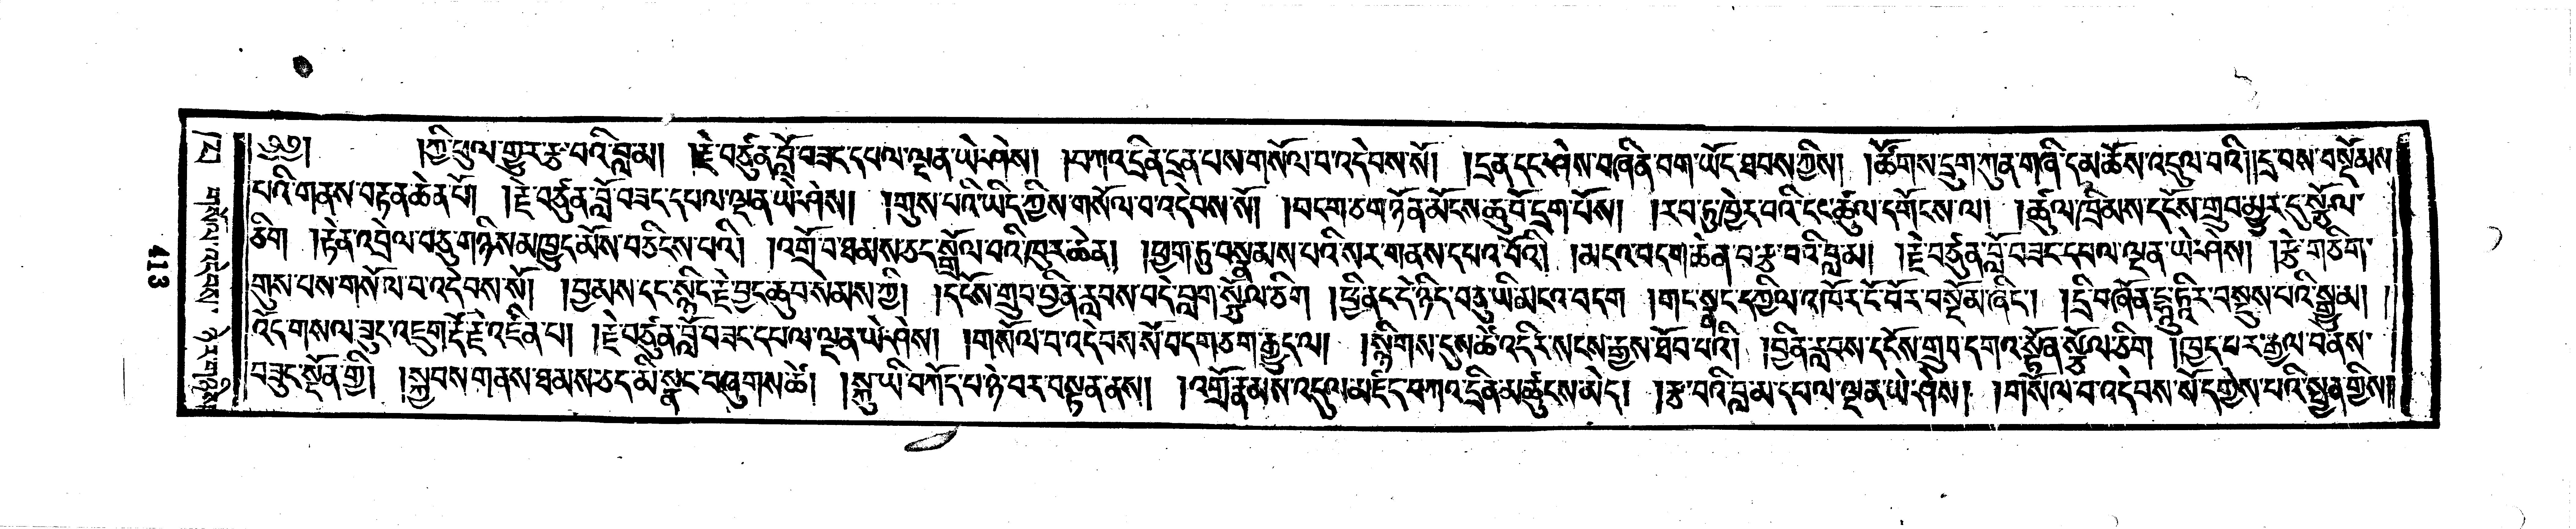༄༅། །ཀྱི་ཕུལ་གྱུར་རྩ་བའི་བླ་མ། །རྗེ་བཙུན་བློ་བཟང་དཔལ་ལྡན་ཡེ་ཤེས། །བཀའ་དྲིན་དྲན་པས་གསོལ་བ་འདེབས་སོ། །དྲན་དང་ཤེས་བཞིན་བག་ཡོང་ཐབས་ཀྱིས། །ཚོགས་དྲུག་ཀུན་གཞི་དམ་ཆོས་འདུལ་བའི། །དྲ་བས་བསྡོམས་
པའི་གནས་བརྟན་ཆེན་པོ། །རྗེ་བཙུན་བློ་བཟང་དཔལ་ལྡན་ཡེ་ཤེས། །གུས་པའི་ཡིད་ཀྱིས་གསོལ་བ་འདེབས་སོ། །བདག་ཅག་ཉོན་མོངས་ཆུ་བོ་དྲག་པོས། །རབ་ཏུ་ཁྱེར་བའི་ངང་ཚུལ་དགོངས་ལ། །ཚུལ་ཁྲིམས་དངོས་གྲུབ་མྱུར་དུ་སྩོལ་
ཅིག །རྟེན་འབྲེལ་བཅུ་གཉིས་མཁྱུད་མོས་བཅིངས་པའི། །འགྲོ་བ་ཐམས་ཅད་སྒྲོལ་བའི་ཁུར་ཆེན། །ཕྱག་ཏུ་བསྣམས་པའི་སར་གནས་དཔའ་བོའི། །མངའ་བདག་ཆེན་བ་རྩ་བའི་བླ་མ། །རྗེ་བཙུན་བློ་བཟང་དཔལ་ལྡན་ཡེ་ཤེས། །རྩེ་གཅིག་
གུས་པས་གསོལ་བ་འདེབས་སོ། །བྱམས་དང་སྙིང་རྗེ་བྱང་ཆུབ་སེམས་ཀྱི། །དངོས་གྲུབ་བྱིན་རླབས་བདེ་བླག་སྩོལ་ཅིག། །ཕྱི་ནང་དེ་ཉིད་བཅུ་ཡི་མངའ་བདག །གང་སྣ་དཀྱིལ་འཁོར་ངོ་བོར་བསྡོམ་ཞིང་། །དྲི་བཞིན་དྷཱུ་ཏཱིར་བསྡུས་པའི་སྒྱུ་མ། །
འོད་གསལ་ཟུང་འཇུག་རྡོ་རྗེ་འཛིན་པ། །རྗེ་བཙུན་བློ་བཟང་དཔལ་ལྡན་ཡེ་ཤེས། །གསོལ་བ་འདེབས་སོ་བདག་ཅག་རྒྱུད་ལ། །སྙིགས་དུས་ཚེ་འདིར་སངས་རྒྱས་ཐོབ་པའི། །བྱིན་རླབས་དངོས་གྲུབ་དགའ་སྟོན་སྩོལ་ཅིག །ཁྱད་པར་རྒྱལ་བ་ནས་
བཟུང་སྔོན་གྱི། །སྐྱབས་གནས་ཐམས་ཅད་མི་སྣང་བཞུགས་ཚེ། །སྐུ་ཡི་བཀོད་པ་ཉེ་བར་བསྟན་ནས། །འགྲོ་རྣམས་འདུལ་མཛད་བཀའ་དྲིན་མཚུངས་མེད། །རྩ་བའི་བླ་མ་དཔལ་ལྡན་ཡེ་ཤེས། །གསོལ་བ་འདེབས་སོ་དགྱེས་པའི་སྤྱན་གྱིས།